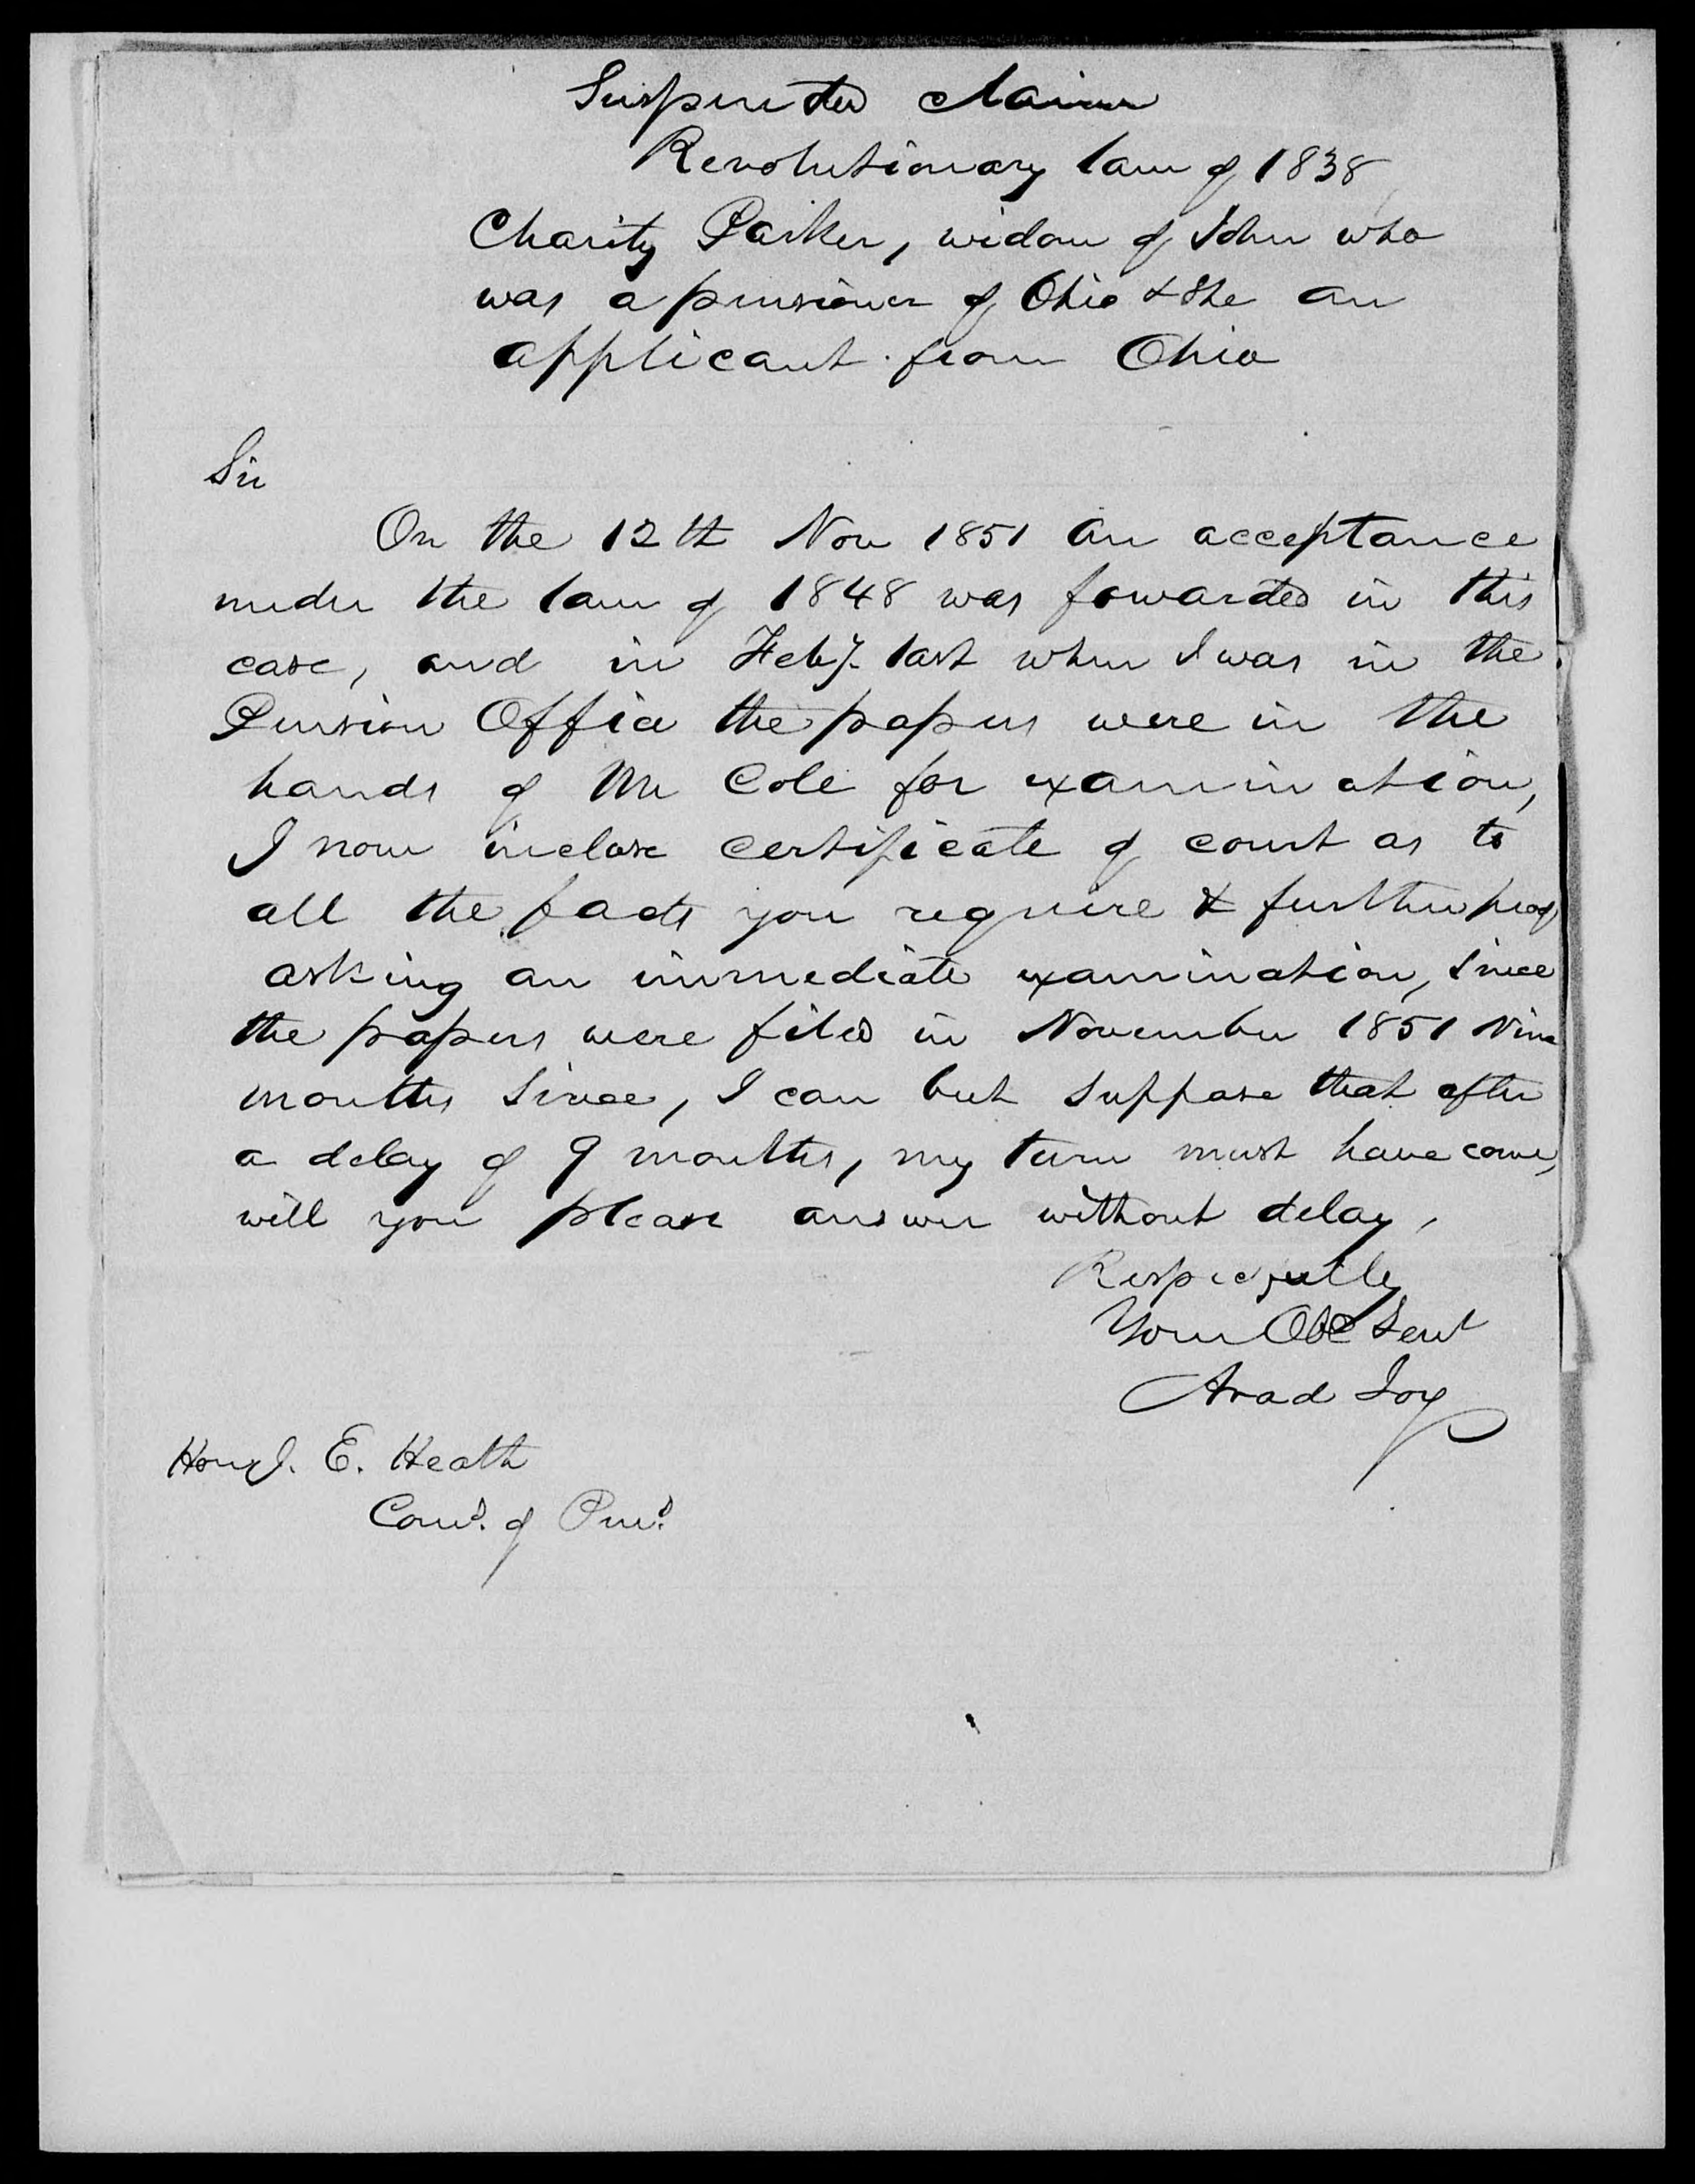Suspended Claim
Revolutionary law of 1838 Charity Parker, widow of John who was a pensioner of Ohio & she an applicant from Ohio.

Sir
On the 12th Nov 1851 an acceptance under the law of 1848 was forwarded in this case, and in Feby. last when I was in the Pension Office the papers were in the hands of Mr. Cole for examination. I now enclose certificate of court as to all the facts you require & further proof asking an immediate examination, Since the papers were filed in November 1851 nine months since, I can but suppose that after a delay of 9 months, my turn must have come, will you please answer without delay.
Respectfully
Your Obd. Servt.
//s// Arad Joy

Hon J.E. Heath
Coms. of Pens.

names: [BLANK] Cole; John Parker; Charity Parker; J E Heath; Arad Joy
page: 11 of 40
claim: widow's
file: W. 3,588, for John Parker, Pennsylvania